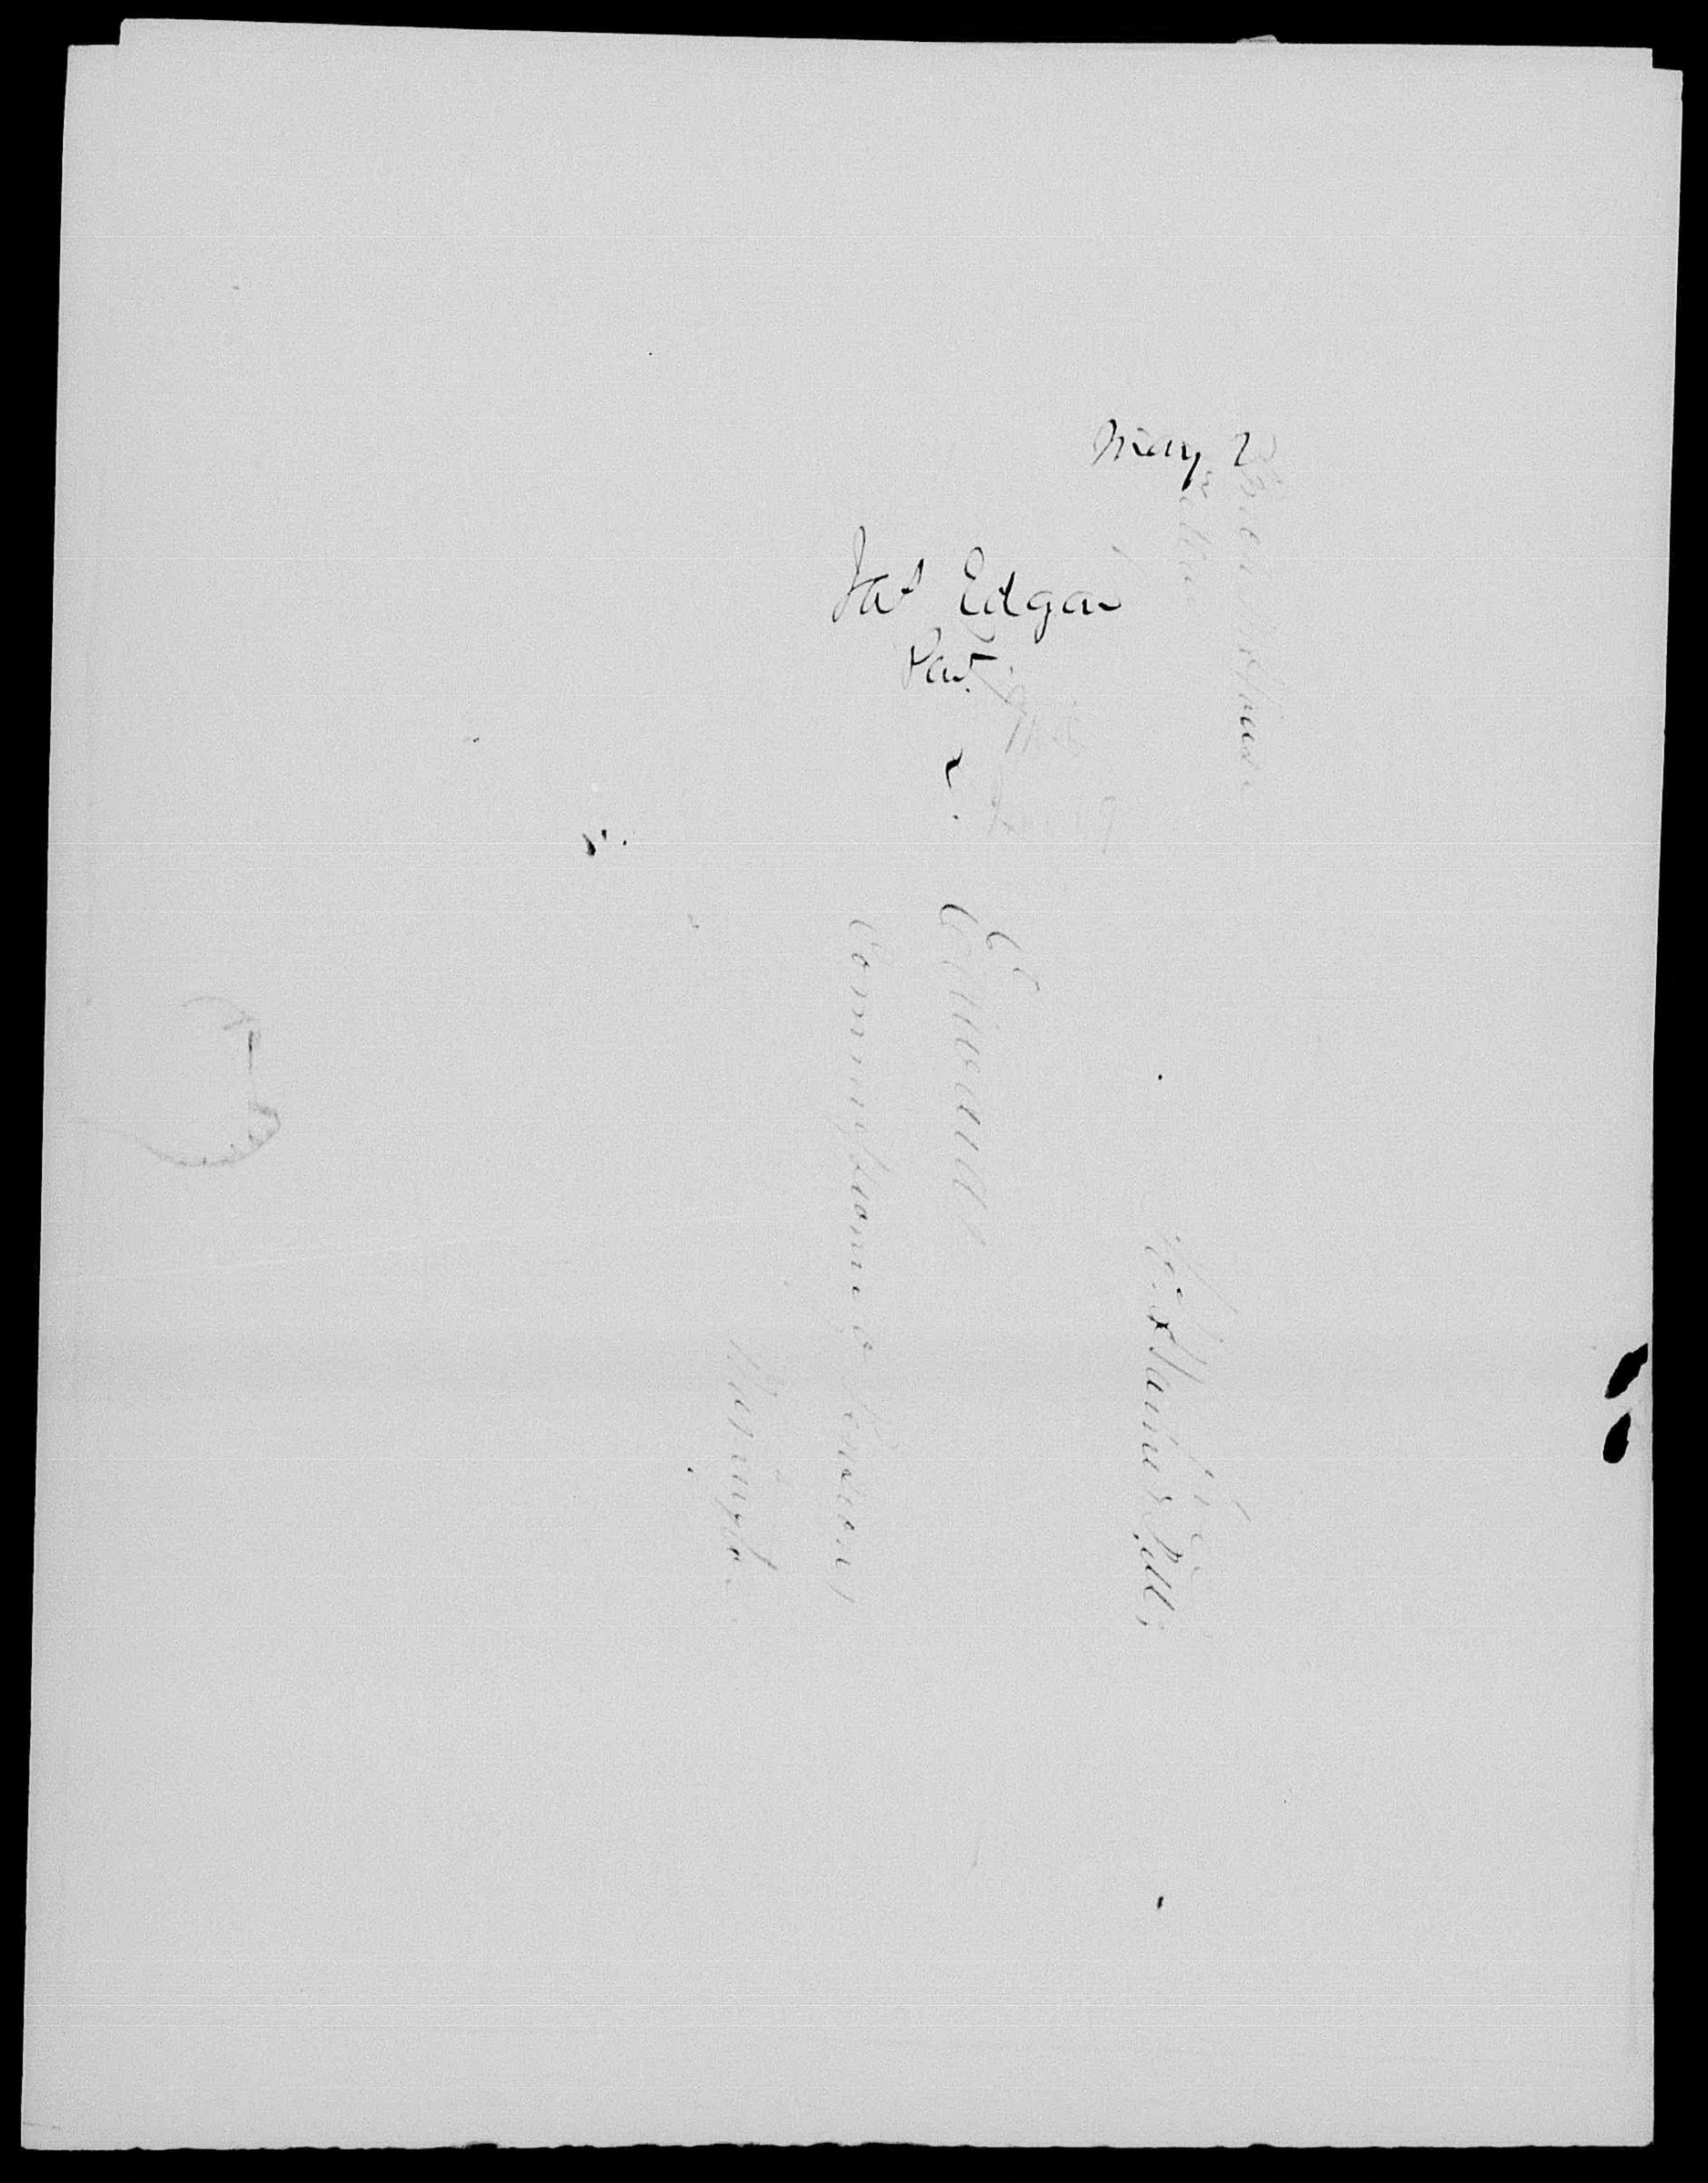May 2
Jas Edgar
Pa

[illegible] M House
May

Jos Haines Pill; free

J.L. Edwards
Commissioner of Pensions
Washington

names: Jos Haines, Jas Edgar, J L Edwards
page: 66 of 74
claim: widow's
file: W. 9422, James Edgar, Penn.